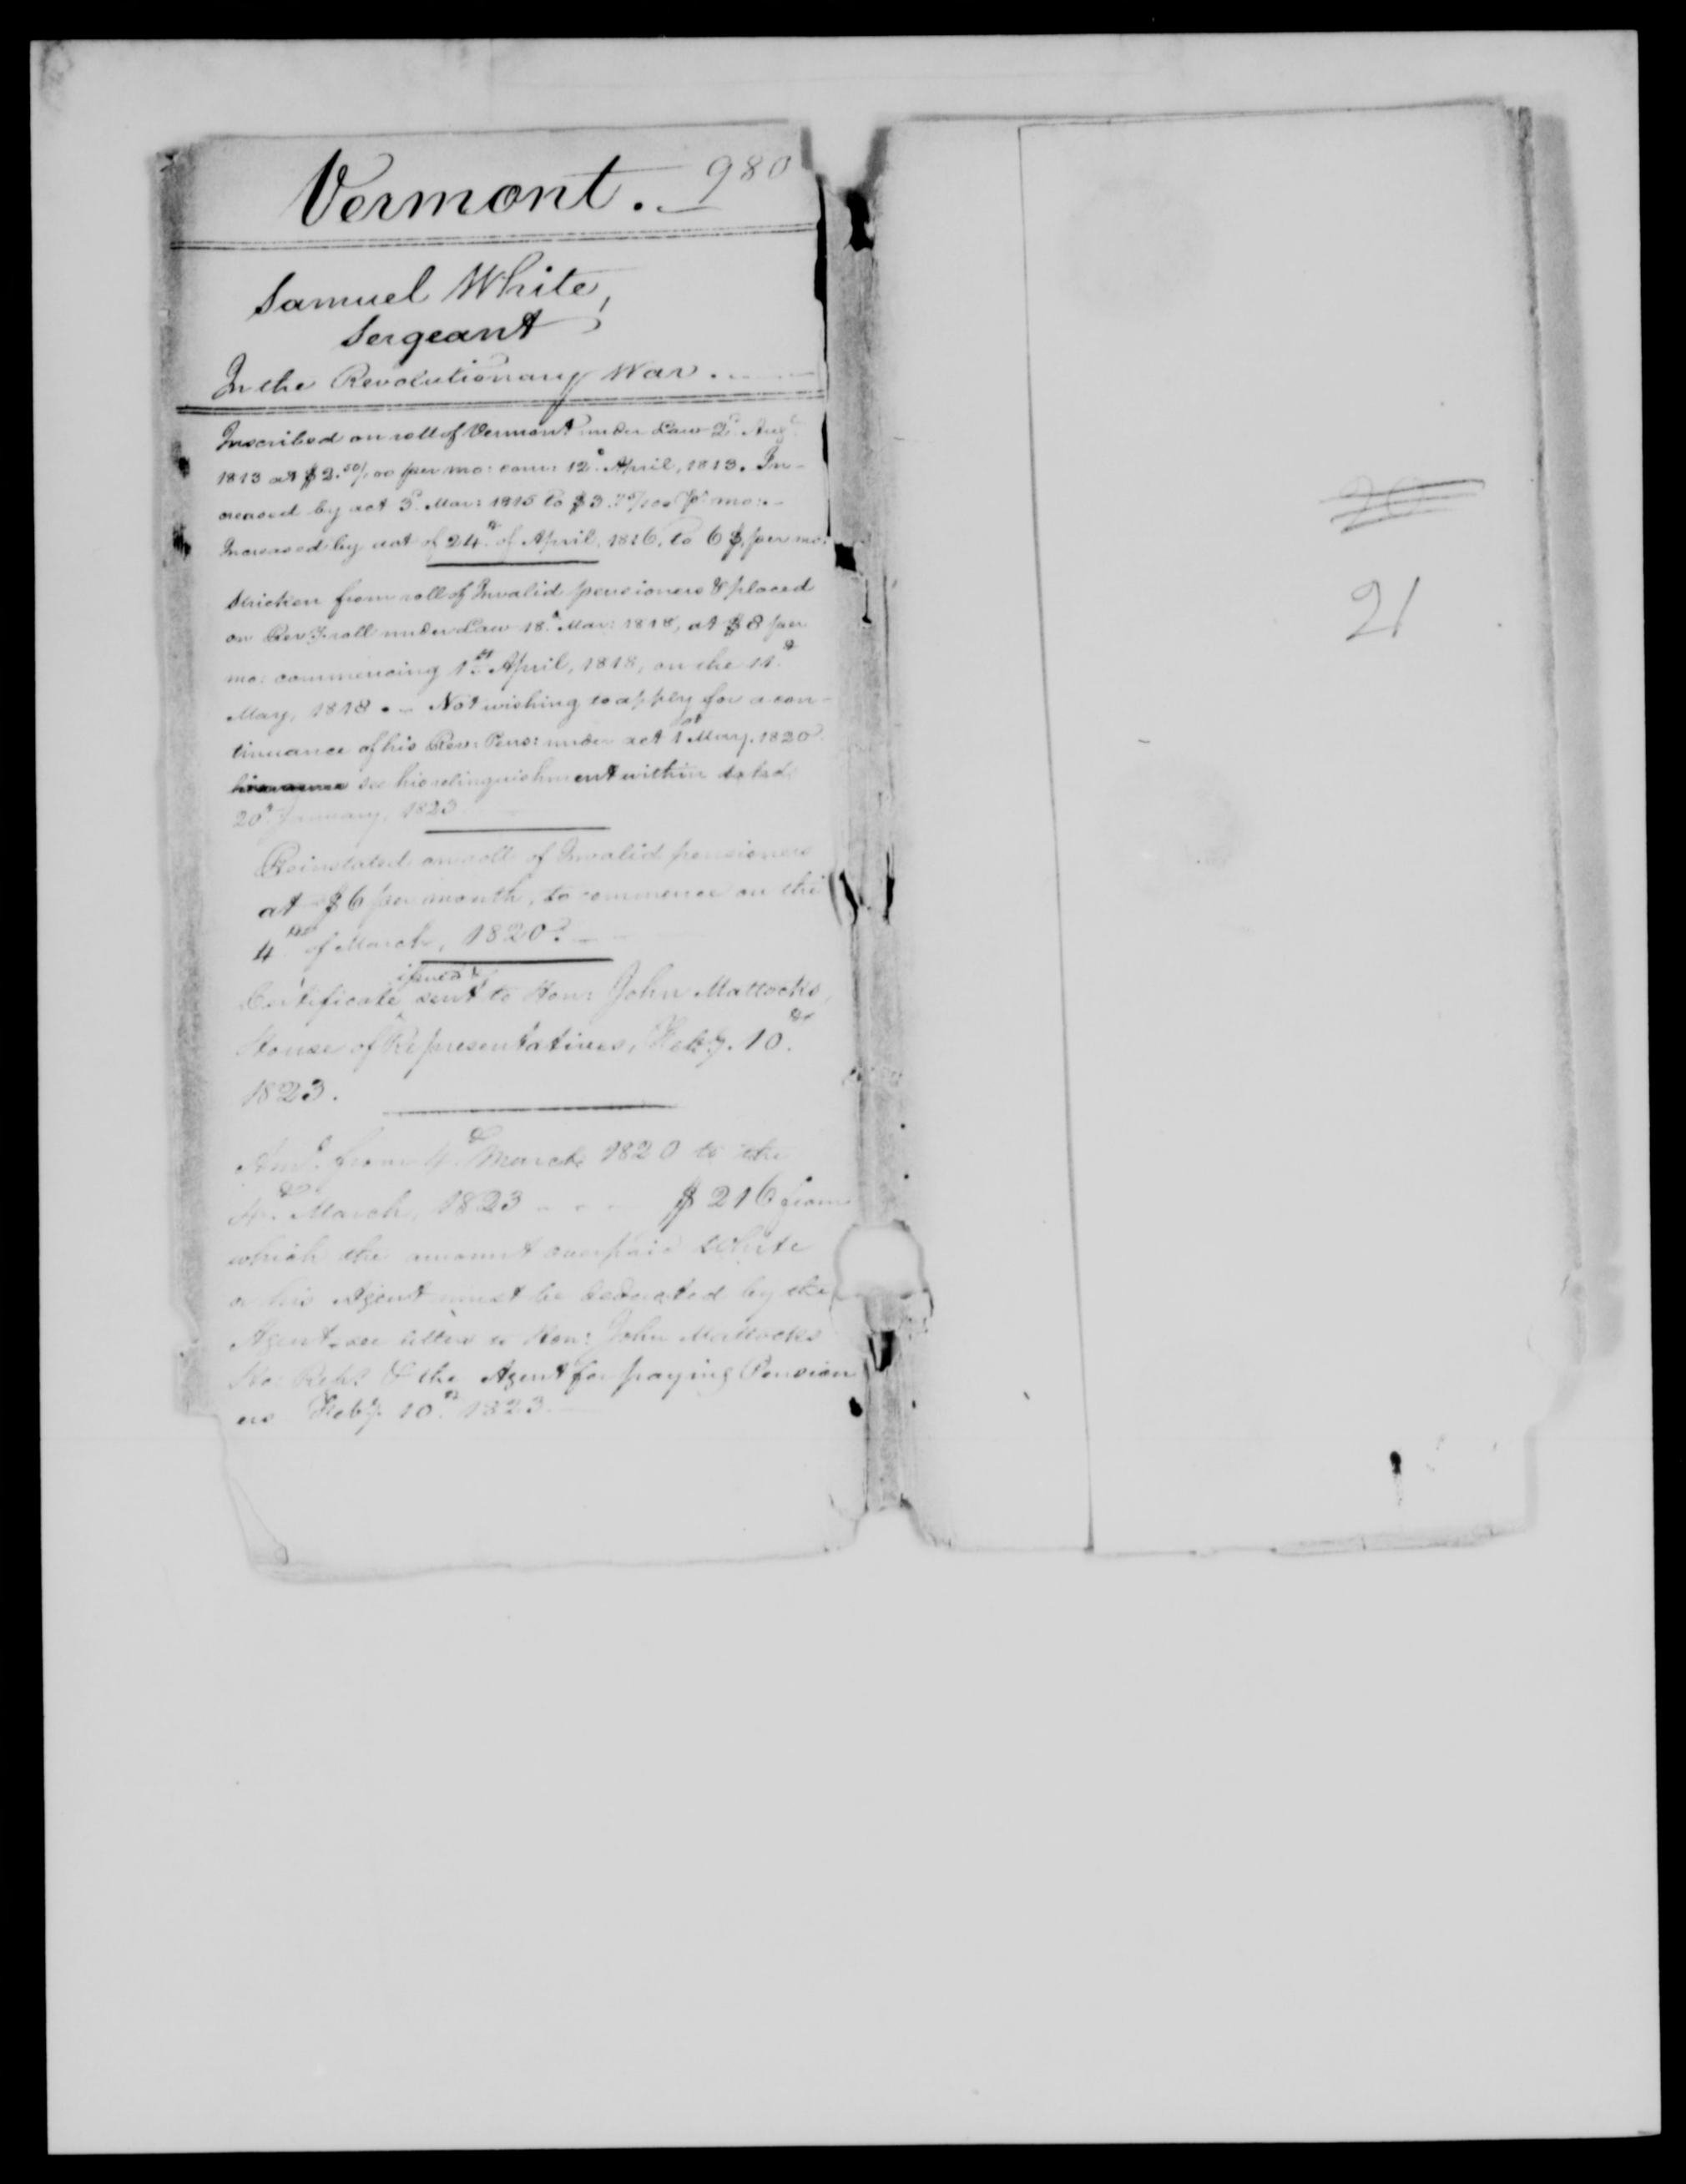Vermont 980

Samuel White, Sergeant
in the Revolutionary War
Inscribed on roll of Vermont under Law 2d Aug. 1813 at $2.50/100 per mo. com. 12th April 1813. Increased by act 3d Mar 1815 to $3.77/100 per mo. Increased by act of 24th of April 1816 to 6$ per mo.
Stricken from roll of Invalid pensioners & placed on Revy. roll under Law 18 Mar 1818 at $8 per mo. commencing 1st April 1818 the 1st May 1818-Not wishing to apply for a continuance of his Rev. Pens. under act 1st May 1820. See his relinquishment within dated 10th January 1823
Reinstated on roll of Invalid pensioners at $6 per month to commence on the 4th of March 1820.
Certificate issued & sent to Hon. John Mattocks House of Representatives, Feby 10th 1823
Anl. from 4th March 1820 to the 4th March 1823----$216 from which the amount overpaid  while as his agent must be deducted by the Agent. See letter to Hon. John Mattocks Ho. Reps. & the Agent for paying pensioners Feby. 10th 1823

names: Samuel White, John Mattocks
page: 49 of 79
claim: survivor's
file: S. 11759, Samuel White, Mass.